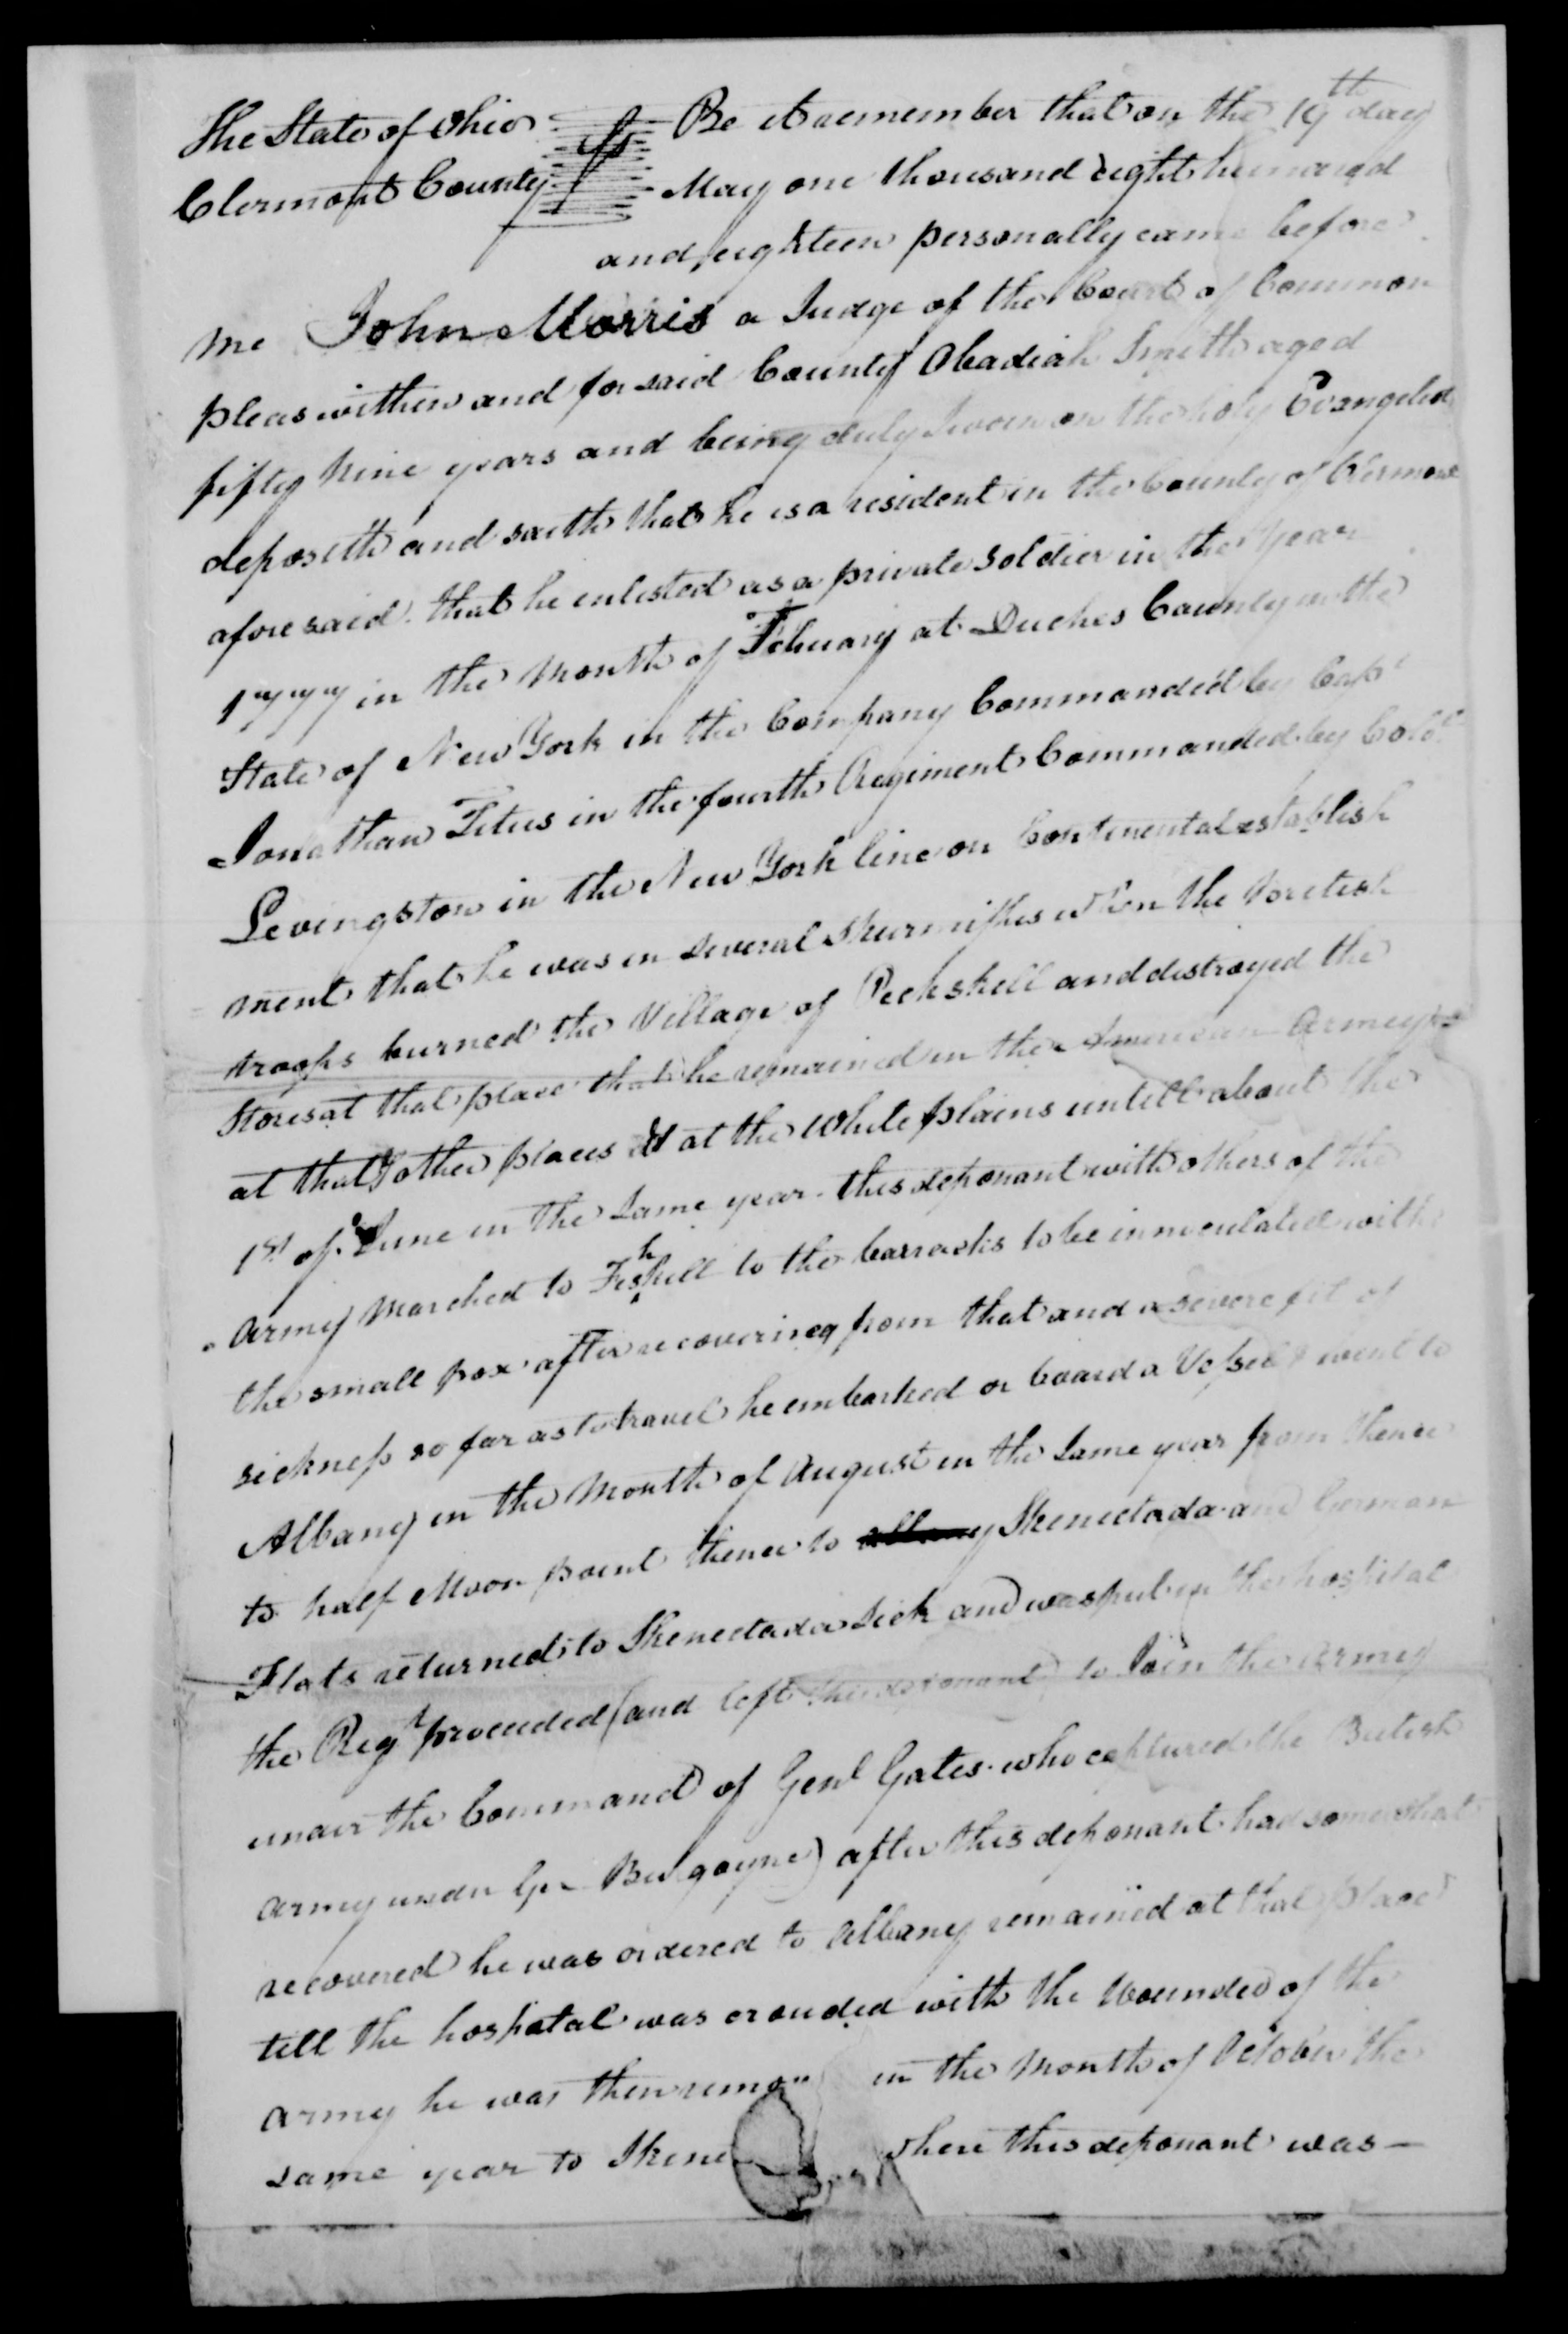The State of Ohio Clermont County Ss Be it remember that on the 19th day May one thousand eight hundred and eighteen personally came before me John Morris a Judge of the Court of Common Pleas within and for said County Obadiah Smith aged fifty nine years and being duly Sworn on the holy [illegible] deposeth and saith that he is a resident in the County of Clermont aforesaid. that he enlisted as a private soldier in the year 1777 in the month of February at Duches [Dutchess] County in the State of New York in the Company Commanded by Capt Jonathan Titus in the fourth Regiment Commanded by Col Levingston in the New York line on Continental establishment that he was in several skirmishes when the British troops burned the Village of Peekskill and destroyed the stores at that place that he remained in the service in Army to at that & other places & at the White Plains untill about the 1st of June in the Same year. this deponent with those of the Army marched to Fishkill to the barracks to be innoculated with the small pox after recovering from that and a severe bit of sickness so far as to travel he embarked on board a vessel went to Albany in the month of August in the same year from thence to Half Moon Point thencde to ["Albany" is crossed out] Skenectady [Schenectady] and [illegible] Flats returned to Skenectada sick and was put in the hospital the Regt proceeded (and left this deponent to join the army under the Command of Genl Yates who captured the British army under Gen Burgoyne) after this deponent had somewhat recovered he was ordered to Albany remained at that place till the hospital was orduded [??] with the wounded of the army he was then remo__  [water damage] in the month of October the same year to then [water damage] where this deponent was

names: [BLANK] Livingston; John Morris; Jonathan Titus; Obadiah Smith; [BLANK] Gates; [BLANK] Burgoyne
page: 8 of 66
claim: survivor's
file: S 40458, for Obadiah Smith, New York